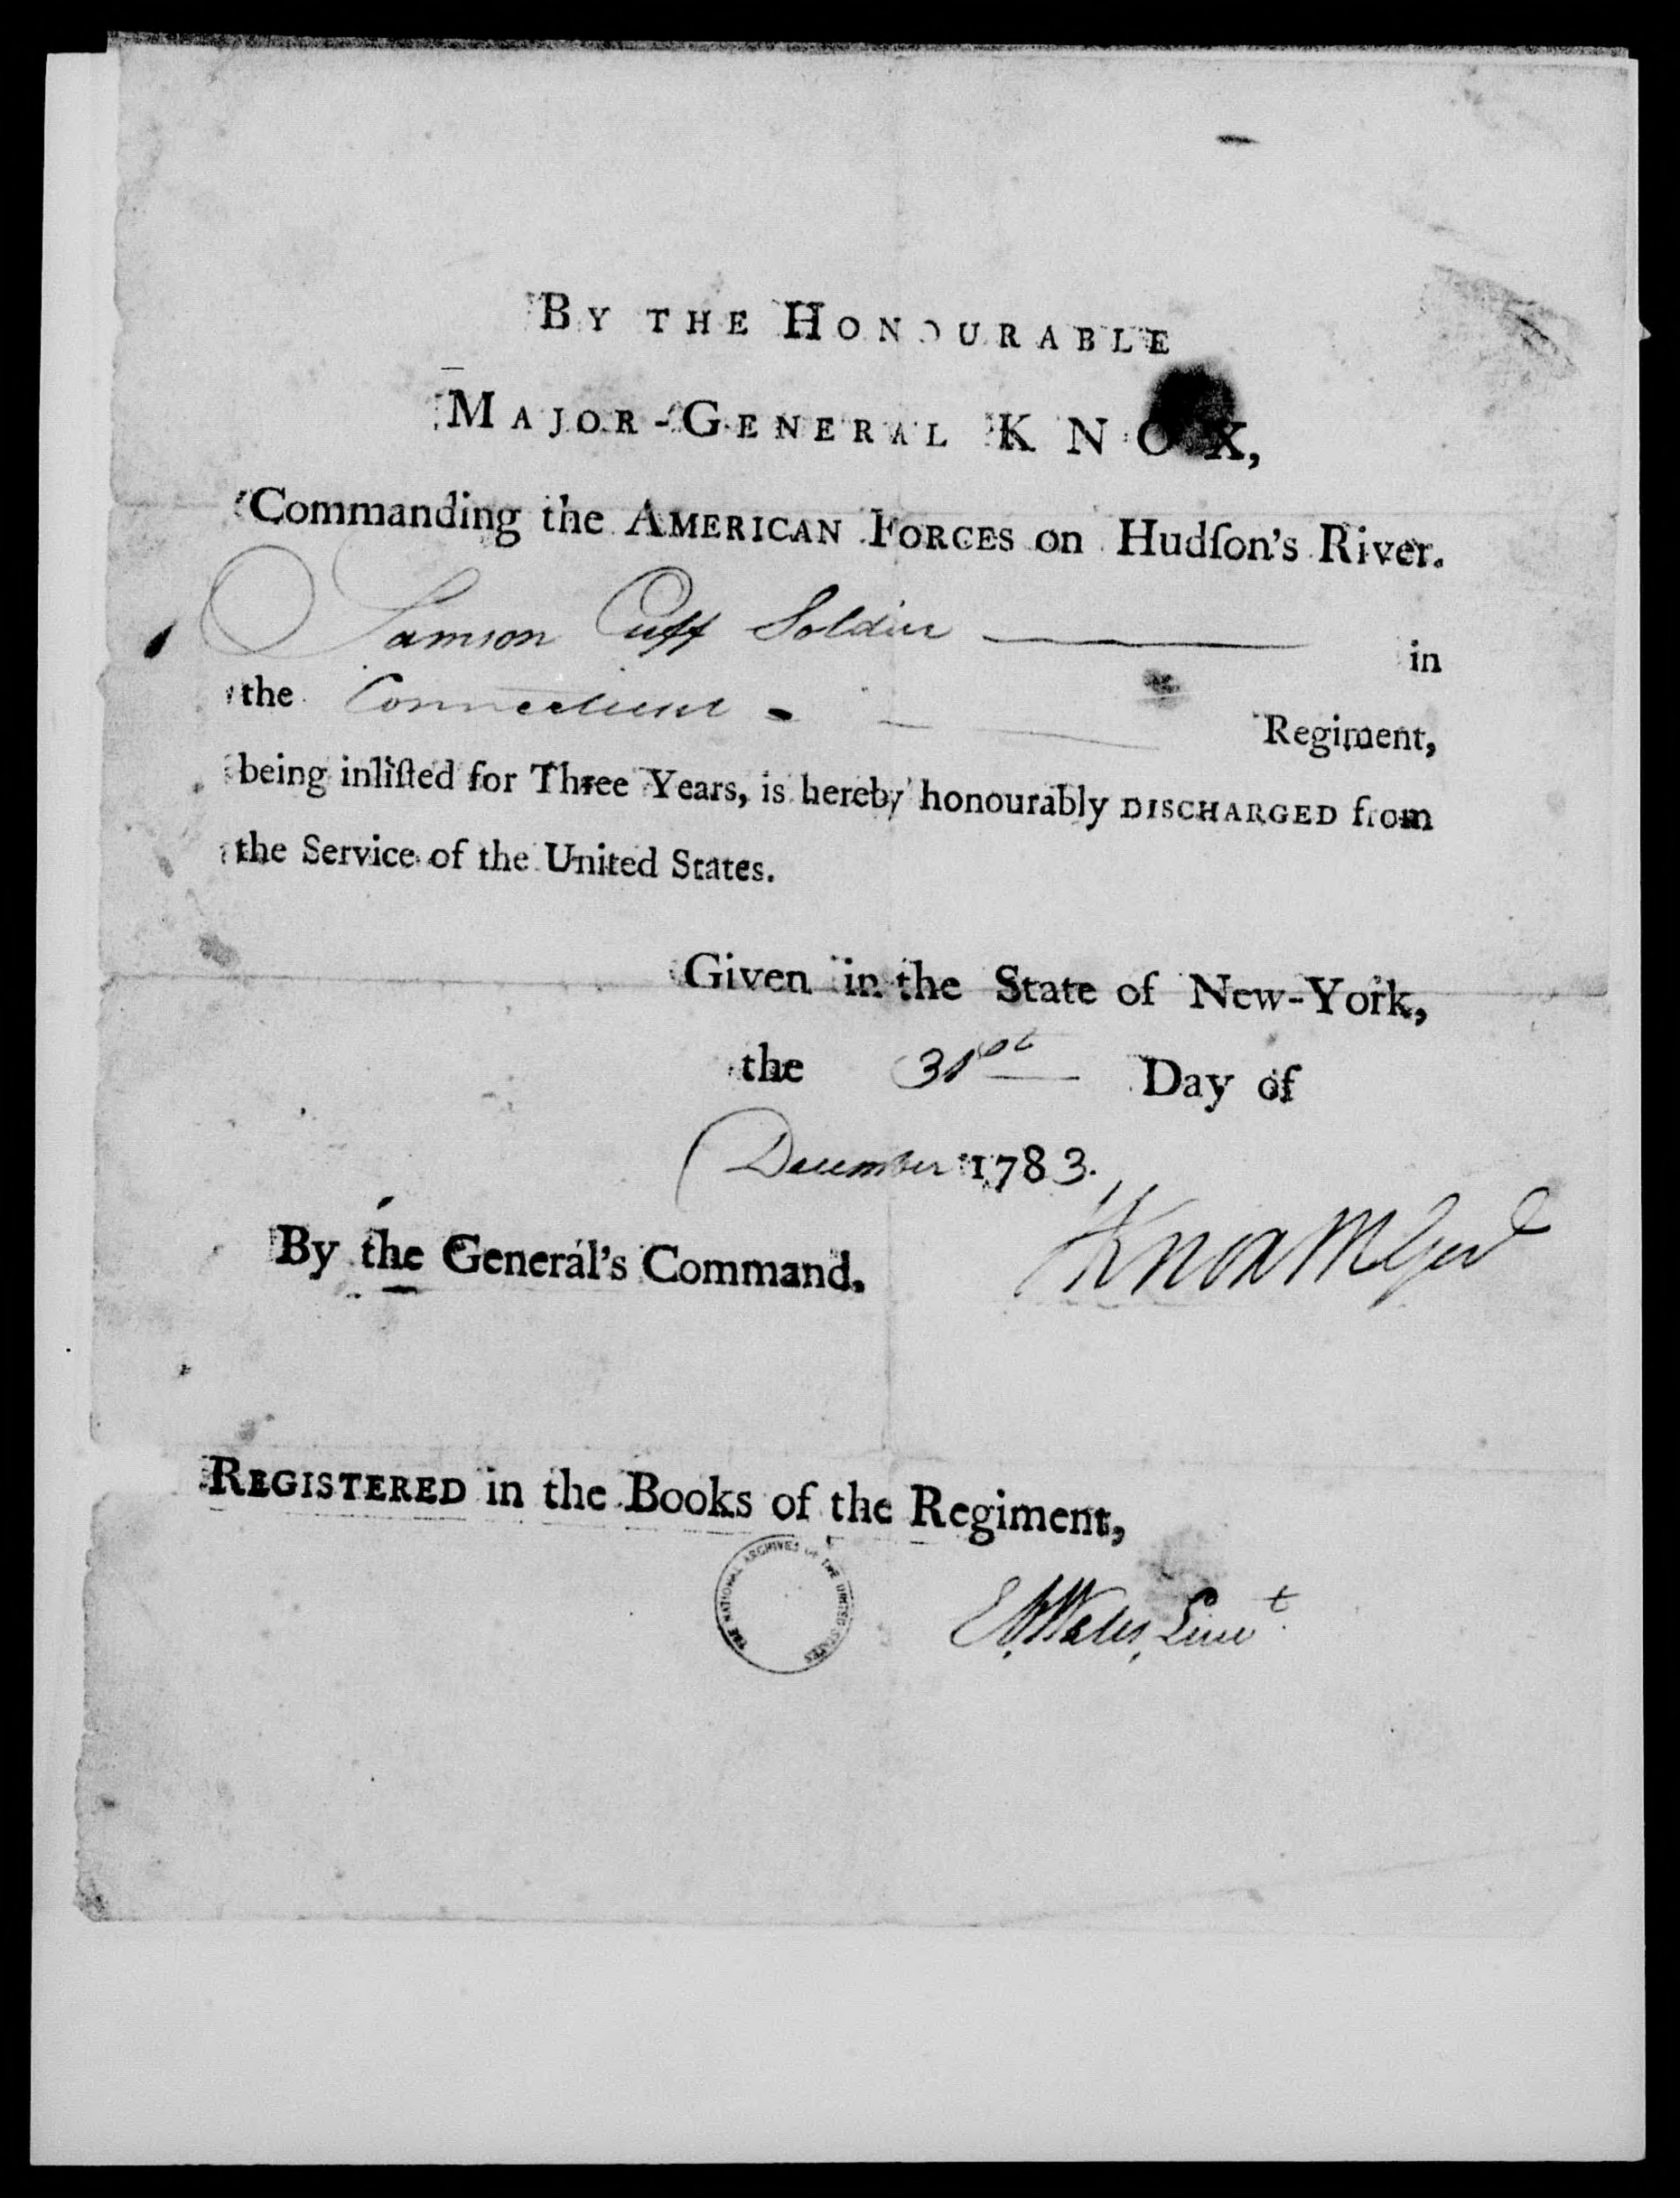By the Honourable 
Major General Knox
Commanding the American Forces on Hudson's River
Samson Cuff Soldier in the Connecticut Regiment
being inlisted for Three Years, is hereby honourably DISCHARGED from the Service of the United States.
Given n the State of New York
the 31st day of
December 1783
By the General's Command,
[Signature]
Knox

Registered int he Books of the regiment,
[Signature]
E.V. Wales
(Seal stamped left of signature)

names: Samson Cuff, E V Wales, Knox, Knox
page: 10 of 11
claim: survivor's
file: S. 34,616, Samson Cuff, Conn.